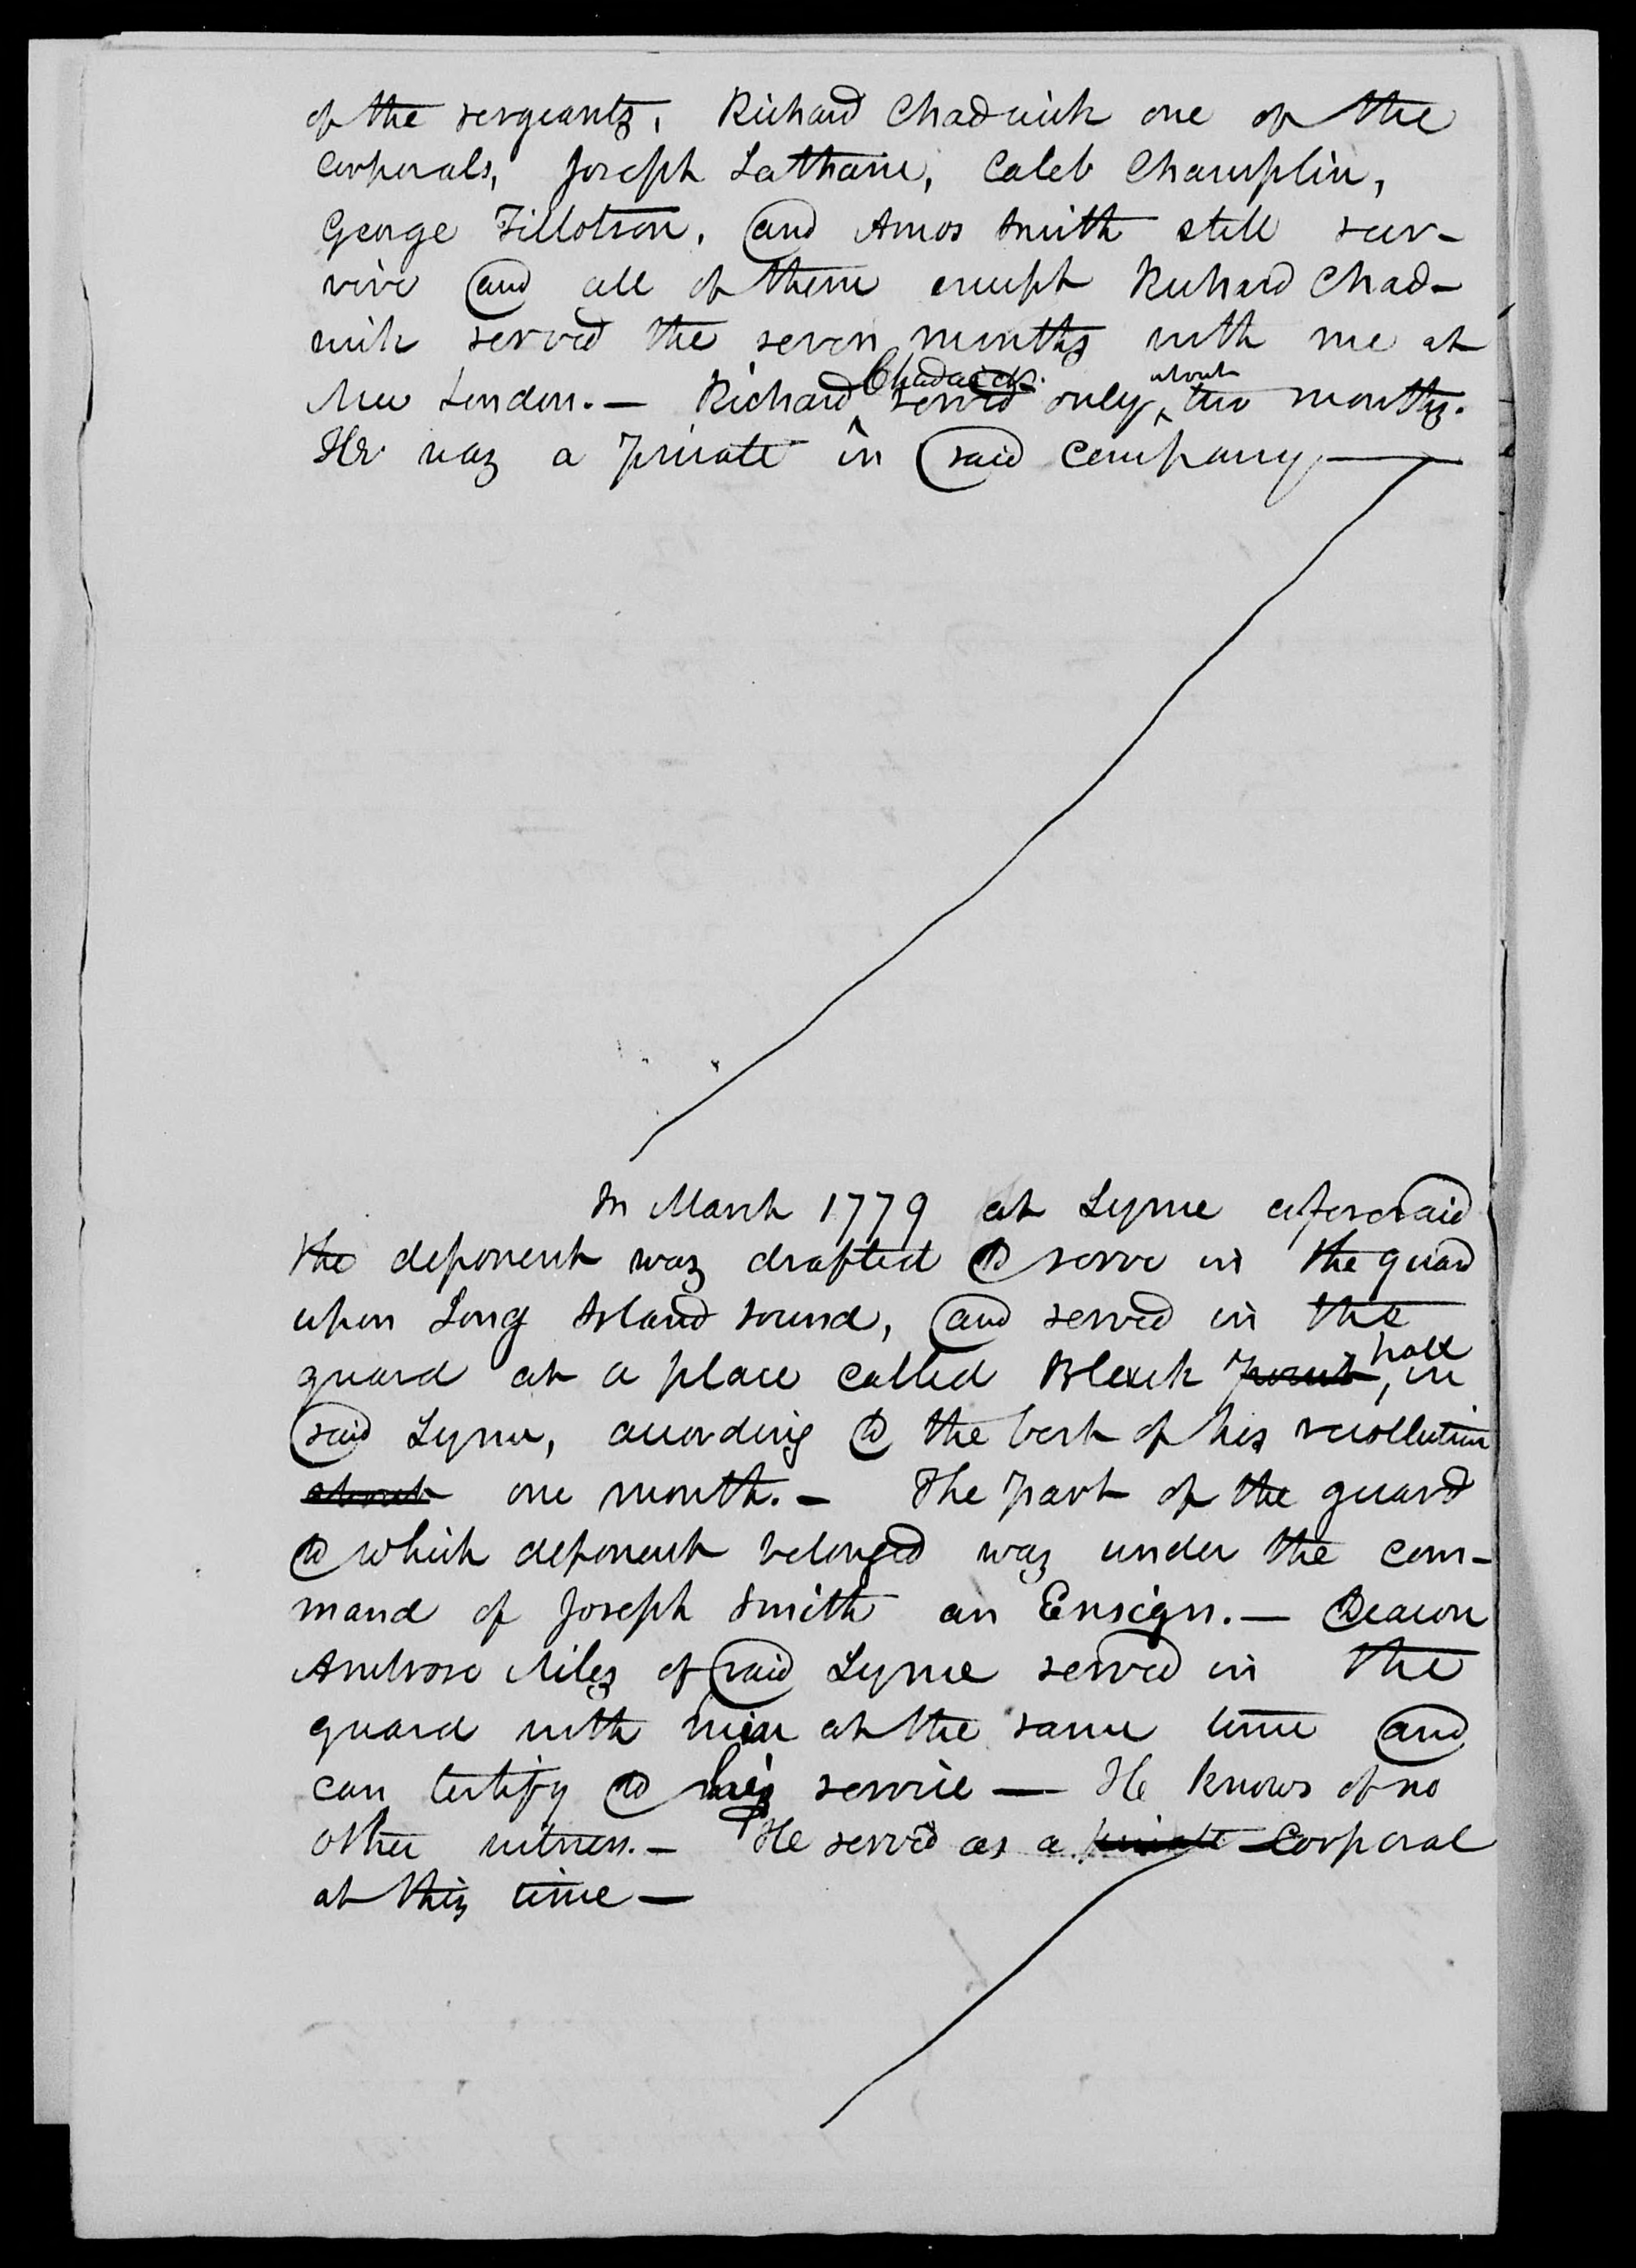of the sergeants Richard Chadwick, one of the corporals Joseph Latham, Caleb Champlin, George Tillotson, and Amos Smith still survive and all of them except Richard Chadwick served the seven months with me at New London.  Richard Chadwick served only about two months. He was a private in said company.   
In March 1779 at Lyme aforesaid the deponent was drafted to serve in the guard upon Long Island Sound, and served in the guard at a place called Black hole in said Lyme, according to the best of his recollections one month. The part of the guard in which deponent belonged was under the command of Joseph Smith an Ensign Deacon Ambrose Niles of said Lyme served in the guard with him at the same time and can testify to said service.  He know of no other witness.  He served as a corporal at this time.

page: 14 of 20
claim: survivor's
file: S. 15,516, for Joseph Marvin, Connecticut